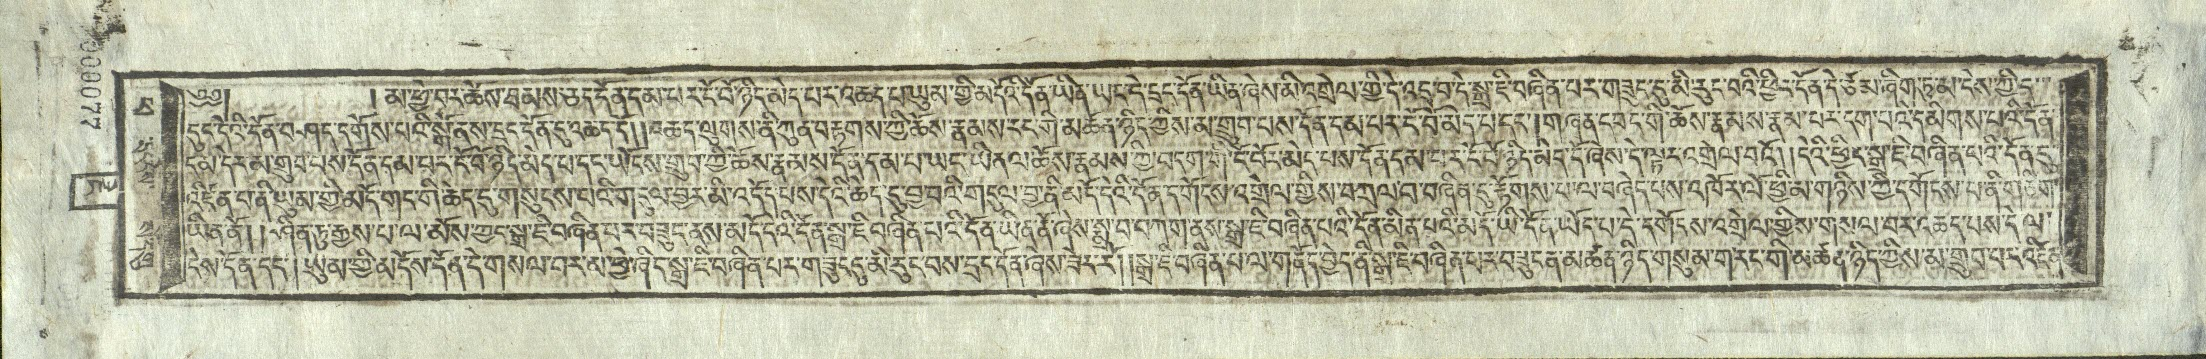༄༅། །མ་ཕྱེ་བར་ཆོས་ཐམས་ཅད་དོན་དམ་པར་ངོ་བོ་ཉིད་མེད་པར་འཆད་པ་ཡུམ་གྱི་མདོའི་དོན་ཡིན་ཡང་དེ་དྲང་དོན་ཡིན་ཞེས་མི་འགྲེལ་གྱི་དེ་འདྲ་བ་དེ་སྒྲ་ཇི་བཞིན་པར་གཟུང་དུ་མི་རུང་བའི་ཕྱིར་དོན་དེ་ཙམ་ཞིག་ཏུ་མ་ངེས་ཀྱི་ད་
དུང་དེའི་དོན་བཤད་དགོས་པའི་སྒོ་ནས་དྲང་དོན་དུ་འཆད་དོ། །འཆད་ལུགས་ནི་ཀུན་བརྟགས་ཀྱི་ཆོས་རྣམས་རང་གི་མཚན་ཉིད་ཀྱིས་མ་གྲུབ་པས་དོན་དམ་པར་ངོ་བོ་མེད་པ་དང་། གཞན་དབང་གི་ཆོས་རྣམས་རྣམ་པར་དག་པའི་དམིགས་པའི་དོན་
དམ་དེར་མ་གྲུབ་པས་དོན་དམ་པར་ངོ་བོ་ཉིད་མེད་པ་དང་ཡོངས་གྲུབ་ཀྱི་ཆོས་རྣམས་དོན་དམ་པ་ཡང་ཡིན་ལ་ཆོས་རྣམས་ཀྱི་བདག་གི་ངོ་བོར་མེད་པས་དོན་དམ་པར་ངོ་བོ་ཉིད་མེད་དོ་ཞེས་དེ་ལྟར་འགྲེལ་བའོ། །དེའི་ཕྱིར་སྒྲ་ཇི་བཞིན་པའི་དོན་དུ་
འཛིན་པ་ནི་ཡུམ་གྱི་མདོ་གང་གི་ཆེད་དུ་གསུངས་པའི་གདུལ་བྱར་མི་འདོད་པས་དེའི་ཆེད་དུ་བྱ་བའི་གདུལ་བྱ་ནི་མདོ་དེའི་དོན་དགོངས་འགྲེལ་གྱིས་བཀྲལ་བ་བཞིན་དུ་རྟོགས་པ་ལ་བཞེད་པས་འཁོར་ལོ་ཕྱི་མ་གཉིས་ཀྱི་དགོངས་པ་ནི་གཅིག་
ཡིན་ནོ། །ཤིན་ཏུ་རྒྱས་པ་ལ་མོས་ཀྱང་སྒྲ་ཇི་བཞིན་པར་བཟུང་ནས་མདོ་དེའི་དོན་སྒྲ་ཇི་བཞིན་པའི་དོན་ཡིན་ནོ་ཞེས་སྨུ་བ་བཀག་ནས་སྒྲ་ཇི་བཞིན་པའི་དོན་མིན་པའི་མདོ་ཡི་དོན་ཡོད་པ་དེ་དགོངས་འགྲེལ་གྱིས་གསལ་བར་འཆད་པས་དེ་ལ་
ངེས་དོན་དང་། ཡུམ་གྱི་མདོས་དོན་དེ་གསལ་བར་མ་ཕྱེ་ཞིང་སྒྲ་ཇི་བཞིན་བར་གཟུང་དུ་མི་རུང་བས་དྲང་དོན་ཞེས་ཟེར་རོ། །སྒྲ་ཇི་བཞིན་པ་ལ་གནོད་བྱེད་ནི་སྒྲ་ཇི་བཞིན་པར་བཟུང་ན་མཚན་ཉིད་གསུམ་ག་རང་གི་མཚན་ཉིད་ཀྱིས་མ་གྲུབ་པར་འཛིན་